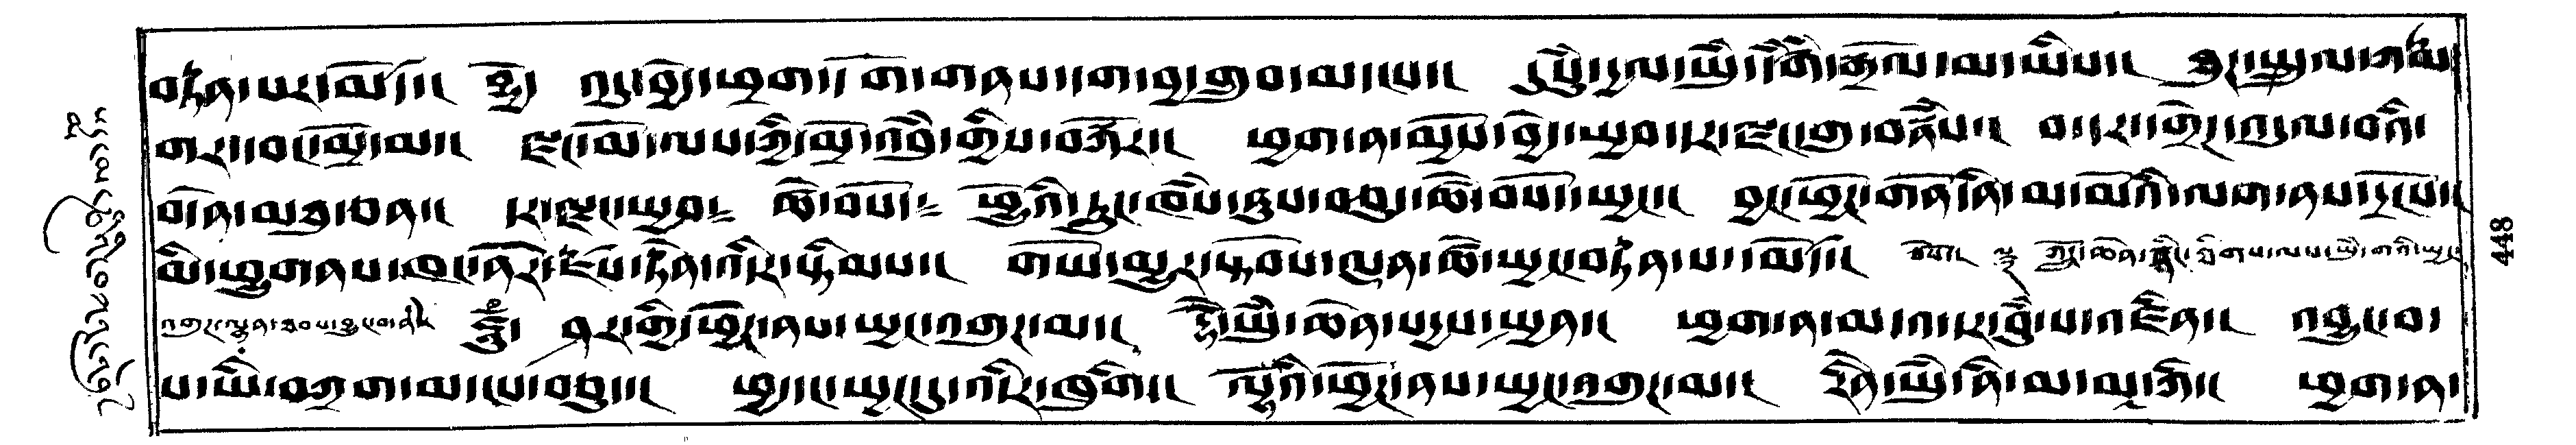བརྟན་པར་མཛོད།། བྷྱོ། འདུ་བྱེད་ཕྲག་དོག་གནས་དག་བྱ་གྲུབ་མདངས། །དུས་གསུམ་རྒྱལ་ཡུམ་དམ་ཚིག་སྒྲོལ་མ་ཡིས། །ཐུགས་སྤྲུལ་ཀརྨ་
གར་དབང་མཁའ་འགྲོ་མ། །ལྗང་མོ་ལས་ཀྱི་མཁའ་འགྲོ་འབུམ་གྱིས་བསྐོར། །ཕྱག་ན་མྱོས་བྱེད་གཡབ་དར་ལྗང་གུ་བསྣམས། །བར་ཆད་དགྲ་གེགས་འདུལ་བའི་
བདེན་མཐུ་ཅན། །དར་ལྗང་གཡབ་༴ ཚེ་བསོད༴ ཕྱོགས་བཅུའྀ་རླུང་ཁམས་ནུས་བཅུད་ཚེ་བསོད་གཡང་། བྱང་ཕྱོགས་གནོད་སྦྱིན་མ་མོའི་ལག་ནས་དྲོངས། །
མི་ཕྱུགས་གནས་ཁང་ནོར་རྫས་རྟེན་འདིར་སྟིམས། །གཡོ་མྱུར་སྟོབས་ལྡན་ཚེ་གཡང་བརྟན་པ་མཛོད།། ཅེས་སོ།། ༈ ཀློང་ཆེན་སྙིང་ཐིག་ལས་ཡུམ་ཀའི་གཡང་
འགུགས་ལྷན་ཐབས་ཕྱུང་བ་ནི། ། ཧཱུྃ། ཤར་གྱི་ཕྱོགས་ནས་གཡང་འགུགས་མ། །རྡོ་རྗེ་ཡུམ་ཆེན་སངས་རྒྱས་སྤྱན། །ཕྱག་ན་མདའ་དར་བུམ་པ་འཛིན། །འབྱུང་བ་
ས་ཡི་བཀྲག་མདངས་བཅུད། །ཕྱྭ་དང་གཡང་དུ་འདིར་ཁུག་ཅིག །ལྷོ་ཡི་ཕྱོགས་ནས་གཡང་འགུགས་མ། །རིན་ཆེན་ཡུམ་ནི་མ་མཱ་ཀི། །ཕྱག་ན་